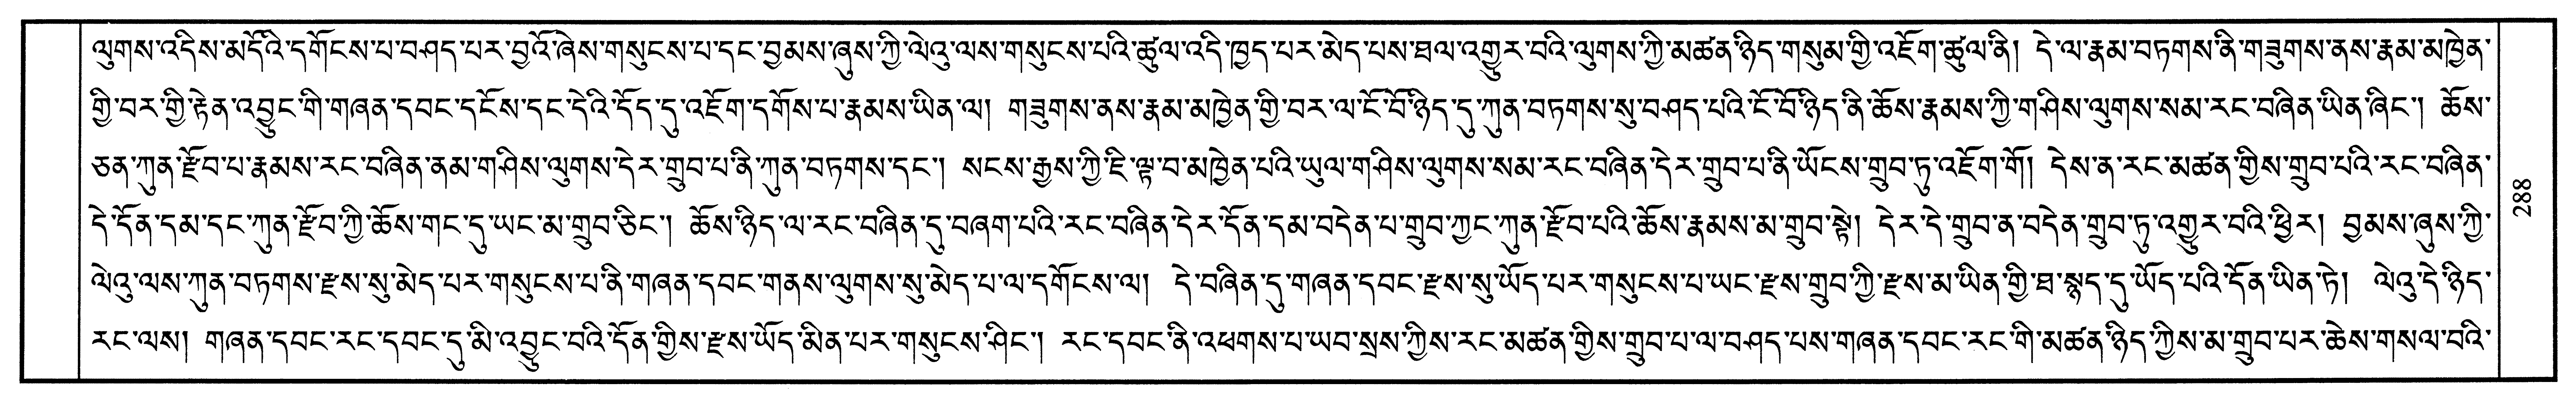ལུགས་འདིས་མདོའི་དགོངས་པ་བཤད་པར་བྱའོ་ཞེས་གསུངས་པ་དང་བྱམས་ཞུས་ཀྱི་ལེའུ་ལས་གསུངས་པའི་ཚུལ་འདི་ཁྱད་པར་མེད་པས་ཐལ་འགྱུར་བའི་ལུགས་ཀྱི་མཚན་ཉིད་གསུམ་གྱི་འཇོག་ཚུལ་ནི། དེ་ལ་རྣམ་བཏགས་ནི་གཟུགས་ནས་རྣམ་མཁྱེན་
གྱི་བར་གྱི་རྟེན་འབྱུང་གི་གཞན་དབང་དངོས་དང་དེའི་དོད་དུ་འཇོག་དགོས་པ་རྣམས་ཡིན་ལ། གཟུགས་ནས་རྣམ་མཁྱེན་གྱི་བར་ལ་ངོ་བོ་ཉིད་དུ་ཀུན་བཏགས་སུ་བཤད་པའི་ངོ་བོ་ཉིད་ནི་ཆོས་རྣམས་ཀྱི་གཤིས་ལུགས་སམ་རང་བཞིན་ཡིན་ཞིང་། ཆོས་
ཅན་ཀུན་རྫོབ་པ་རྣམས་རང་བཞིན་ནམ་གཤིས་ལུགས་དེར་གྲུབ་པ་ནི་ཀུན་བཏགས་དང་། སངས་རྒྱས་ཀྱི་ཇི་ལྟ་བ་མཁྱེན་པའི་ཡུལ་གཤིས་ལུགས་སམ་རང་བཞིན་དེར་གྲུབ་པ་ནི་ཡོངས་གྲུབ་ཏུ་འཇོག་གོ། དེས་ན་རང་མཚན་གྱིས་གྲུབ་པའི་རང་བཞིན་
དེ་དོན་དམ་དང་ཀུན་རྫོབ་ཀྱི་ཆོས་གང་དུ་ཡང་མ་གྲུབ་ཅིང་། ཆོས་ཉིད་ལ་རང་བཞིན་དུ་བཞག་པའི་རང་བཞིན་དེར་དོན་དམ་བདེན་པ་གྲུབ་ཀྱང་ཀུན་རྫོབ་པའི་ཆོས་རྣམས་མ་གྲུབ་སྟེ། དེར་དེ་གྲུབ་ན་བདེན་གྲུབ་ཏུ་འགྱུར་བའི་ཕྱིར། བྱམས་ཞུས་ཀྱི་
ལེའུ་ལས་ཀུན་བཏགས་རྫས་སུ་མེད་པར་གསུངས་པ་ནི་གཞན་དབང་གནས་ལུགས་སུ་མེད་པ་ལ་དགོངས་ལ། དེ་བཞིན་དུ་གཞན་དབང་རྫས་སུ་ཡོད་པར་གསུངས་པ་ཡང་རྫས་གྲུབ་ཀྱི་རྫས་མ་ཡིན་གྱི་ཐ་སྙད་དུ་ཡོད་པའི་དོན་ཡིན་ཏེ། ལེའུ་དེ་ཉིད་
རང་ལས། གཞན་དབང་རང་དབང་དུ་མི་འབྱུང་བའི་དོན་གྱིས་རྫས་ཡོད་མིན་པར་གསུངས་ཤིང་། རང་དབང་ནི་འཕགས་པ་ཡབ་སྲས་ཀྱིས་རང་མཚན་གྱིས་གྲུབ་པ་ལ་བཤད་པས་གཞན་དབང་རང་གི་མཚན་ཉིད་ཀྱིས་མ་གྲུབ་པར་ཆེས་གསལ་བའི་